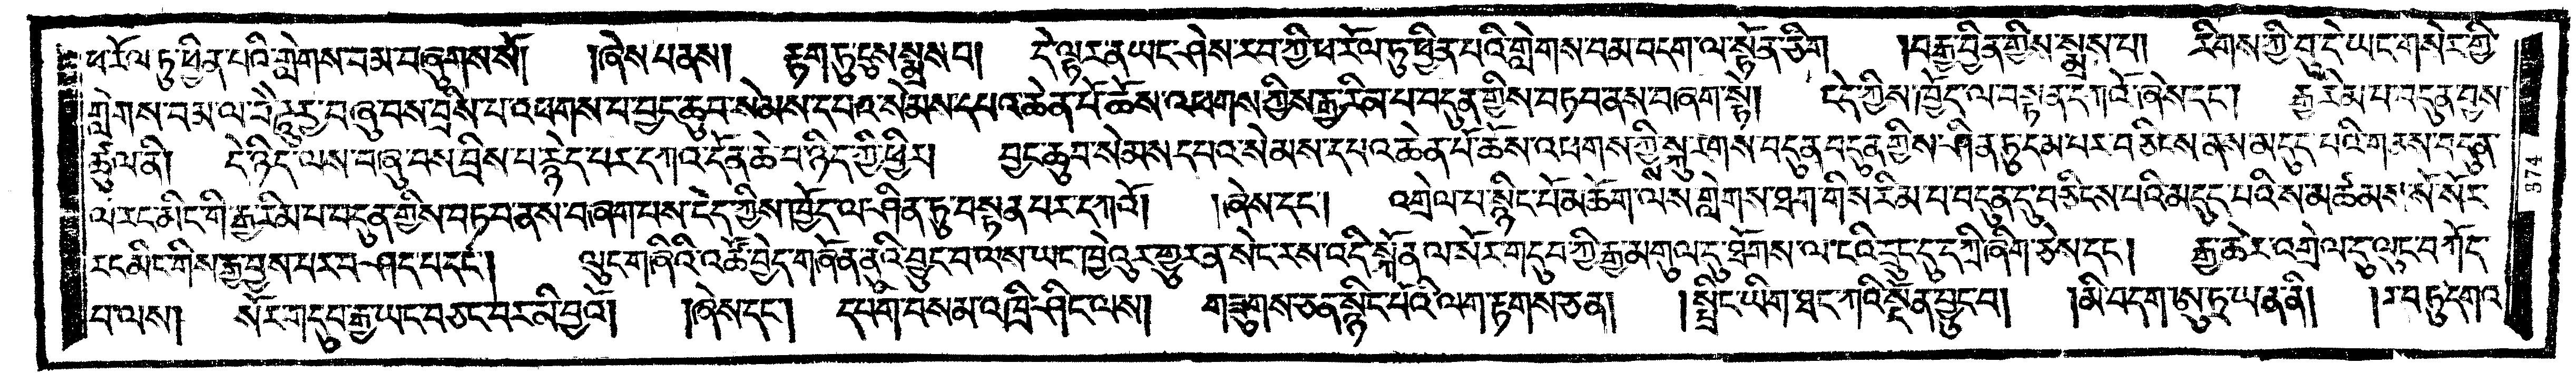ཕ་རོལ་ཏུ་ཕྱིན་པའི་གླེགས་བམ་བཞུགས་སོ། །ཞེས་པ་ནས། རྟག་ཏུ་ངུས་སྨྲས་པ། དེ་ལྟར་ན་ཡང་ཤེས་རབ་ཀྱི་ཕ་རོལ་ཏུ་ཕྱིན་པའི་གླེགས་བམ་བདག་ལ་སྟོན་ཅིག །བརྒྱ་བྱིན་གྱིས་སྨྲས་པ། རིགས་ཀྱི་བུ་དེ་ཡང་གསེར་གྱི་
གླེགས་བམ་ལ་བེཌཱུརྱ་བཞུ་བས་བྲིས་པ་འཕགས་པ་བྱང་ཆུབ་སེམས་དཔའ་སེམས་དཔའ་ཆེན་པོ་ཆོས་འཕགས་ཀྱིས་རྒྱ་རིམ་པ་བདུན་གྱིས་བཏབ་ནས་བཞག་སྟེ། ངེད་ཀྱིས་ཁྱོད་ལ་བསྟན་དགའོ་ཞེས་དང་། རྒྱ་རིམ་པ་བདུན་བྱས་
ཚུལ་ནི། དེ་ཉིད་ལས་བཞུ་བས་བྲིས་པ་རྙེད་པར་དཀའ་དོན་ཆེ་བ་ཉིད་ཀྱི་ཕྱིར། བྱང་ཆུབ་སེམས་དཔའ་སེམས་དཔའ་ཆེན་པོ་ཆོས་འཕགས་ཀྱིས་སྐུ་རབས་བདུན་བདུན་གྱིས་ཤིང་ཏུ་དམ་པར་གཅིངས་ནས་མདུད་པའི་གནས་བདུན་
ལ་རང་མིང་གི་རྒྱ་རིམ་པ་བདུན་གྱིས་བཏབ་ནས་བཞག་པས་ངེད་ཀྱིས་ཁྱོད་ལ་ཤིན་ཏུ་བསྟན་པར་དཀའོ། །ཞེས་དང་། འགྲེལ་པ་སྙིང་པོ་མཆོག་ལས་གླེགས་ཐག་གིས་རིམ་པ་བདུན་དུ་བཅིངས་པའི་མདུན་པའི་མཚམས་སོ་སོང་
རང་མིང་གིས་རྒྱ་བྱས་པར་བཤད་པ་དང་། ལུང་གཞིའི་འཚོ་བྱེད་གཞོན་ནུའི་བྱུང་བ་ལས་ཡང་ཁྱེའུར་གྱུར་ན་སེང་རས་འདི་སྐོན་ལ་སོར་གདུབ་ཀྱི་རྒྱ་མགུལ་དུ་ཐོགས་ལ་ངའི་དྲུང་དུ་དཀྲི་ཞིག་ཅེས་དང་། རྒྱ་ཆེར་འགྲེལ་དུ་ལུང་བཀོད་
པ་ལས། སོར་གདུབ་རྒྱ་ཡང་བཅང་བར་མི་བྱའོ། །ཞེས་དང་། དཔག་བསམ་འཁྲི་ཤིང་ལས། གཟུགས་ཅན་སྙིང་པོའི་ལག་རྟགས་ཅན། །སྤྲིང་ཡིག་ཐང་ཀའི་སྔོན་བྱུང་བ། །མི་བདག་ཨུ་ཏྲ་ཡན་ནི། །རབ་ཏུ་དགའ་